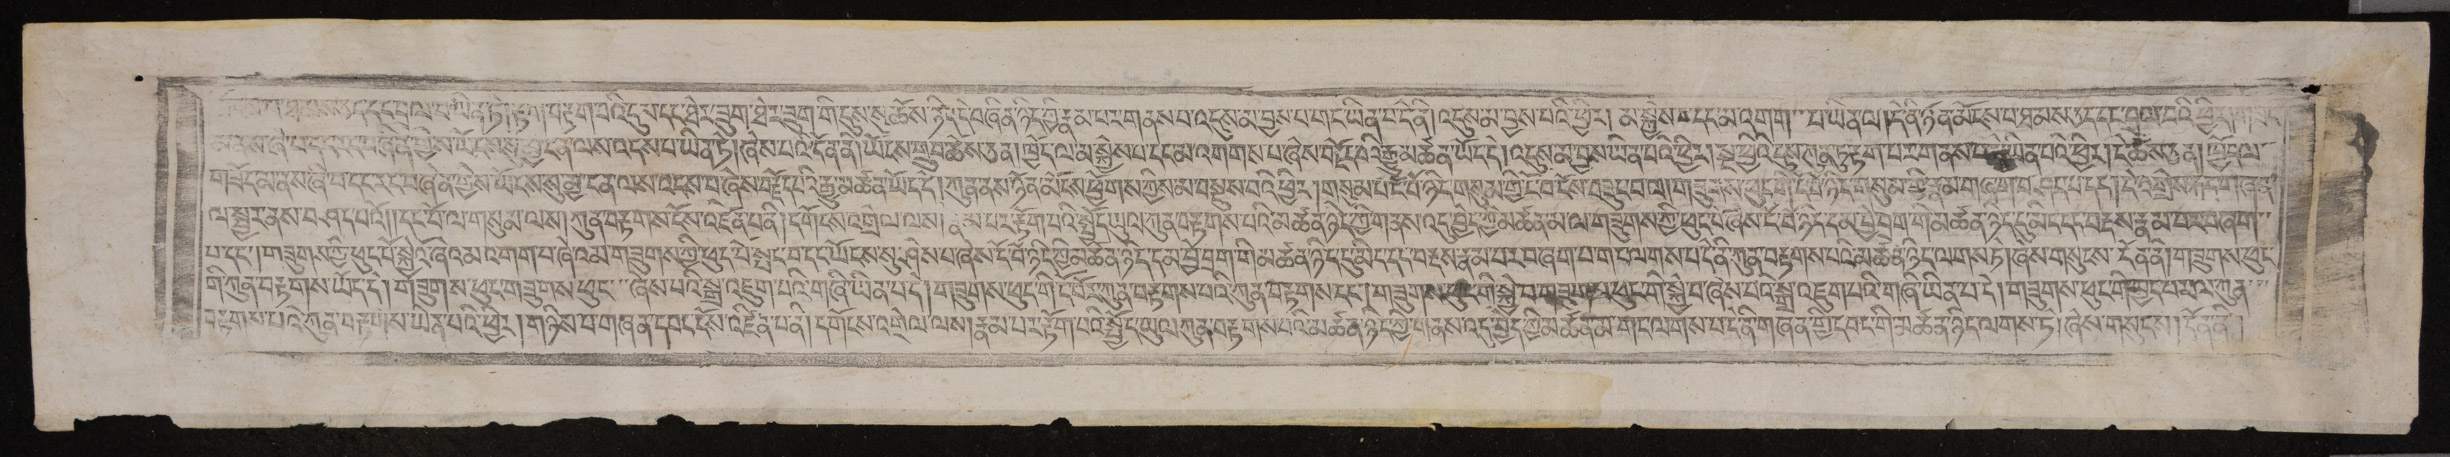མོངས་པ་ཐམས་ཅད་དང་བྲལ་བ་ཡིན་ཏེ། རྟག་པ་རྟག་པའི་དུས་དང་ཐེར་ཟུག་ཐེར་ཟུག་གི་དུས་སུ་ཆོས་ཉིད་དེ་བཞིན་ཉིད་ཀྱི་རྣམ་པར་གནས་པ་འདུས་མ་བྱས་པ་གང་ཡིན་པ་དེ་ནི། འདུས་མ་བྱས་པའི་ཕྱིར། མ་སྐྱེས་པ་དང་མ་འགག་པ་ཡིན་ལ། དེ་ནི་ཉོན་མོངས་པ་ཐམས་ཅད་དང་བྲལ་བའི་ཕྱིར། གཟོད་
མ་ནས་ཞི་བ་དང་རང་བཞིན་གྱིས་ཡོངས་སུ་མྱ་ངན་ལས་འདས་པ་ཡིན་ཏེ། ཞེས་པའི་དོན་ནི། ཡོངས་གྲུབ་ཆོས་ཅན། ཁྱོད་ལ་མ་སྐྱེས་པ་དང་མ་འགགས་པ་ཞེས་བརྗོད་པའི་རྒྱུ་མཚན་ཡོད་དེ། འདུས་མ་བྱས་ཡིན་པའི་ཕྱིར། སྔ་ཕྱིའི་དུས་ཀུན་ཏུ་རྟག་པར་གནས་པ་དེ་ཡིན་པའི་ཕྱིར། དེ་ཆོས་ཅན། ཁྱོད་ལ་
གཟོད་མ་ནས་ཞི་བ་དང་རང་བཞིན་གྱིས་ཡོངས་སུ་མྱ་ངན་ལས་འདས་པ་ཞེས་བརྗོད་པའི་རྒྱུ་མཚན་ཡོད་དེ། ཀུན་ནས་ཉོན་མོངས་ཕྱོགས་ཀྱིས་མ་བསྡུས་པའི་ཕྱིར། གསུམ་པ་ངོ་བོ་ཉིད་གསུམ་གྱི་ངོ་བོ་ངོས་བཟུང་བ་ལ། གཟུགས་ཕུང་གི་ངོ་བོ་ཉིད་གསུམ་གྱི་རྣམ་གཞག་བཤད་པ་དང་། དེ་འགྲེས་རྐང་གཞན་
ལ་སྦྱར་ནས་བཤད་པའོ། །དང་པོ་ལ་གསུམ་ལས། ཀུན་བརྟགས་ངོས་འཛིན་པ་ནི། དགོངས་འགྲེལ་ལས། རྣམ་པར་རྟོག་པའི་སྤྱོད་ཡུལ་ཀུན་བརྟགས་པའི་མཚན་ཉིད་ཀྱི་གནས་འདུ་བྱེད་ཀྱི་མཚན་མ་ལ་གཟུགས་ཀྱི་ཕུང་པོ་ཞེས་ངོ་བོ་ཉིད་དམ་བྱེ་བྲག་གི་མཚན་ཉིད་དུ་མིང་དང་བརྡས་རྣམ་པར་བཞག་
པ་དང་། གཟུགས་ཀྱི་ཕུང་པོ་སྐྱེའོ་ཞེའམ་འགག་པ་ཞེའམ་གཟུགས་ཀྱི་ཕུང་པོ་སྤང་བ་དང་ཡོངས་སུ་ཤེས་པ་ཞེས་ངོ་བོ་ཉིད་ཀྱི་མཚན་ཉིད་དམ་བྱེ་བྲག་གི་མཚན་ཉིད་དུ་མིང་དང་བརྡས་རྣམ་པར་བཞག་པ་གང་ལགས་པ་དེ་ནི་ཀུན་བརྟགས་པའི་མཚན་ཉིད་ལགས་ཏེ། ཞེས་གསུངས། དོན་ནི། གཟུགས་ཕུང་
གི་ཀུན་བརྟགས་ཡོད་དེ། གཟུགས་ཕུང་གཟུགས་ཕུང་ཞེས་པའི་སྒྲ་འཇུག་པའི་གཞི་ཡིན་པ་དེ། གཟུགས་ཕུང་གི་ངོ་བོར་ཀུན་བརྟགས་པའི་ཀུན་བརྟགས་དང་། གཟུགས་ཕུང་གི་སྐྱེ་བ་གཟུགས་ཕུང་གི་སྐྱེ་བ་ཞེས་པའི་སྒྲ་འཇུག་པའི་གཞི་ཡིན་པ་དེ། གཟུགས་ཕུང་གི་ཁྱད་པར་ལ་ཀུན་
བརྟགས་པའི་ཀུན་བརྟགས་ཡིན་པའི་ཕྱིར། གཉིས་པ་གཞན་དབང་ངོས་འཛིན་པ་ནི། དགོངས་འགྲེལ་ལས། རྣམ་པར་རྟོག་པའི་སྤྱོད་ཡུལ་ཀུན་བརྟགས་པའི་མཚན་ཉིད་ཀྱི་གནས་འདུ་བྱེད་ཀྱི་མཚན་མ་གང་ལགས་པ་དེ་ནི་གཞན་གྱི་དབང་གི་མཚན་ཉིད་ལགས་ཏེ། ཞེས་གསུངས། དོན་ནི།